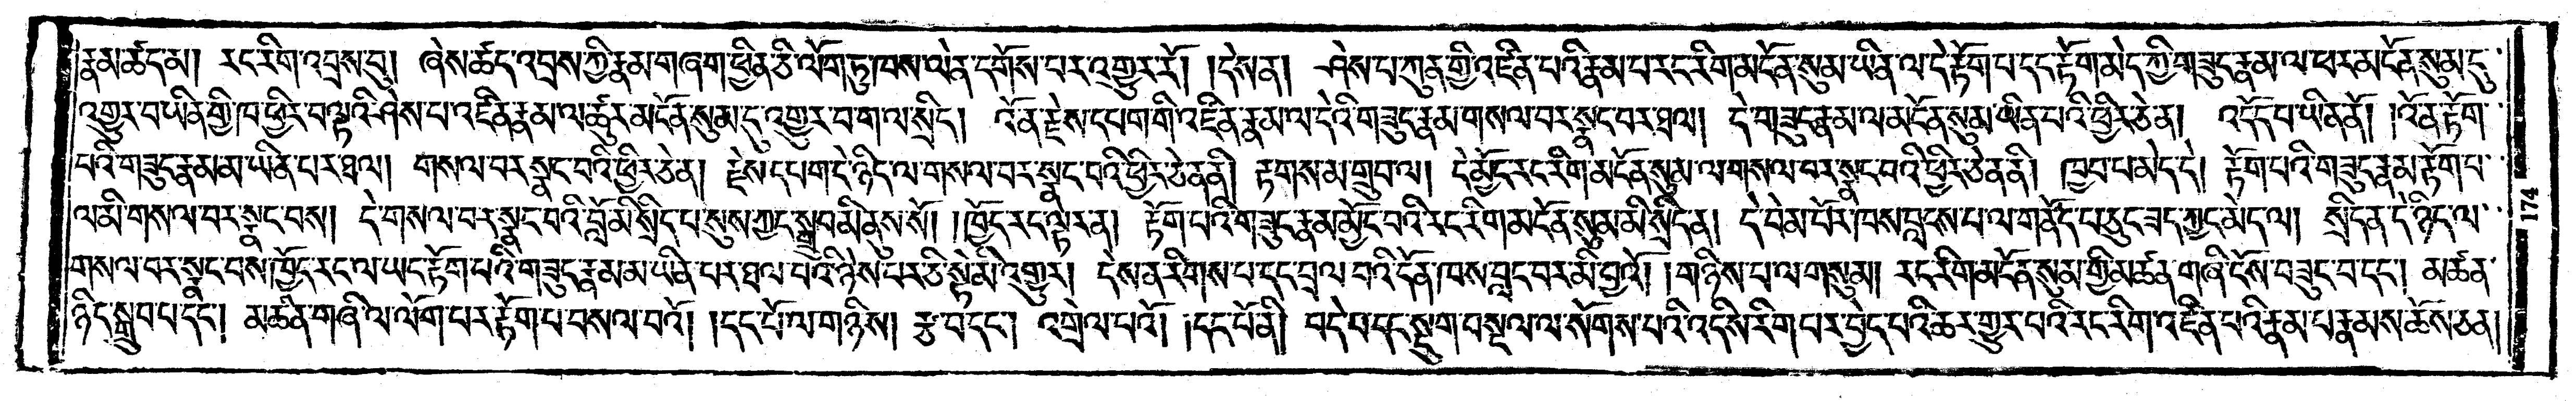རྣམ་ཚད་མ། རང་རིག་འབྲས་བུ། ཞེས་ཚད་འབྲས་ཀྱི་རྣམ་གཞག་ཕྱིན་ཅི་ལོག་ཏུ་ཁས་ལེན་དགོས་པར་འགྱུར་རོ། །དེས་ན། ཤེས་པ་ཀུན་གྱི་འཛིན་པའི་རྣམ་པ་རང་རིག་མངོན་སུམ་ཡིན་ལ་དེ་རྟོག་པ་དང་རྟོག་མེད་ཀྱི་གཟུང་རྣམ་ལ་ཕར་མངོན་སུམ་དུ་
འགྱུར་བ་ཡིན་གྱི་ཁ་ཕྱིར་བལྟའི་ཤེས་པ་འཛིན་རྣམ་ལ་ཚུར་མངོན་སུམ་དུ་འགྱུར་བ་ག་ལ་སྲིད། འོ་ན་རྗེས་དཔག་གི་འཛིན་རྣམ་ལ་དེའི་གཟུང་རྣམ་གསལ་བར་སྣང་བར་ཐལ། དེ་གཟུང་རྣམ་ལ་མངོན་སུམ་ཡིན་པའི་ཕྱིར་ཅེ་ན། འདོད་པ་ཡིན་ནོ། །འོ་ན་རྟོག་
པའི་གཟུང་རྣམ་མ་ཡིན་པར་ཐལ། གསལ་བར་སྣང་བའི་ཕྱིར་ཅེ་ན། རྗེས་དཔག་དེ་ཉིད་ལ་གསལ་བར་སྣང་བའི་ཕྱིར་ཅེ་ན་ནི། རྟགས་མ་གྲུབ་ལ། དེ་མྱོང་རང་རིག་མངོན་སུམ་ལ་གསལ་བར་སྣང་བའི་ཕྱིར་ཅེ་ན་ནི། ཁྱབ་པ་མེད་དེ། རྟོག་པའི་གཟུང་རྣམ་རྟོག་པ་
ལ་མི་གསལ་བར་སྣང་བས། དེ་གསལ་བར་སྣང་བའི་བློ་མི་སྲིད་པ་སུས་ཀྱང་སྒྲུབ་མི་ནུས་སོ། །ཁྱོད་རང་ལྟར་ན། རྟོག་པའི་གཟུང་རྣམ་མྱོང་བའི་རང་རིག་མངོན་སུམ་མི་སྲིད་ན། དེ་བེམ་པོར་ཁས་བླངས་པ་ལ་གནོད་པ་ཅུང་ཟད་ཀྱང་མེད་ལ། སྲིད་ན་དེ་ཉིད་ལ་
གསལ་བར་སྣང་བས་ཁྱོད་རང་ལ་ཡང་རྟོག་པའི་གཟུང་རྣམ་མ་ཡིན་པར་ཐལ་བའི་ཉེས་པར་ཅི་སྟེ་མི་འགྱུར། དེས་ན་རིགས་པ་དང་བྲལ་བའི་དོན་ཁས་བླང་བར་མི་བྱའོ། །གཉིས་པ་ལ་གསུམ། རང་རིག་མངོན་སུམ་གྱི་མཚན་གཞི་ངོས་བཟུང་བ་དང་། མཚན་
ཉིད་སྒྲུབ་པ་དང་། མཚན་གཞི་ལ་ལོག་པར་རྟོག་པ་བསལ་བའོ། །དང་པོ་ལ་གཉིས། རྩ་བ་དང་། འགྲེལ་པའོ། །དང་པོ་ནི། བདེ་བ་དང་སྡུག་བསྔལ་ལ་སོགས་པའི་འདིས་རིག་པར་བྱེད་པའི་ཆར་གྱུར་པའི་རང་རིག་འཛིན་པའི་རྣམ་པ་རྣམས་ཆོས་ཅན།